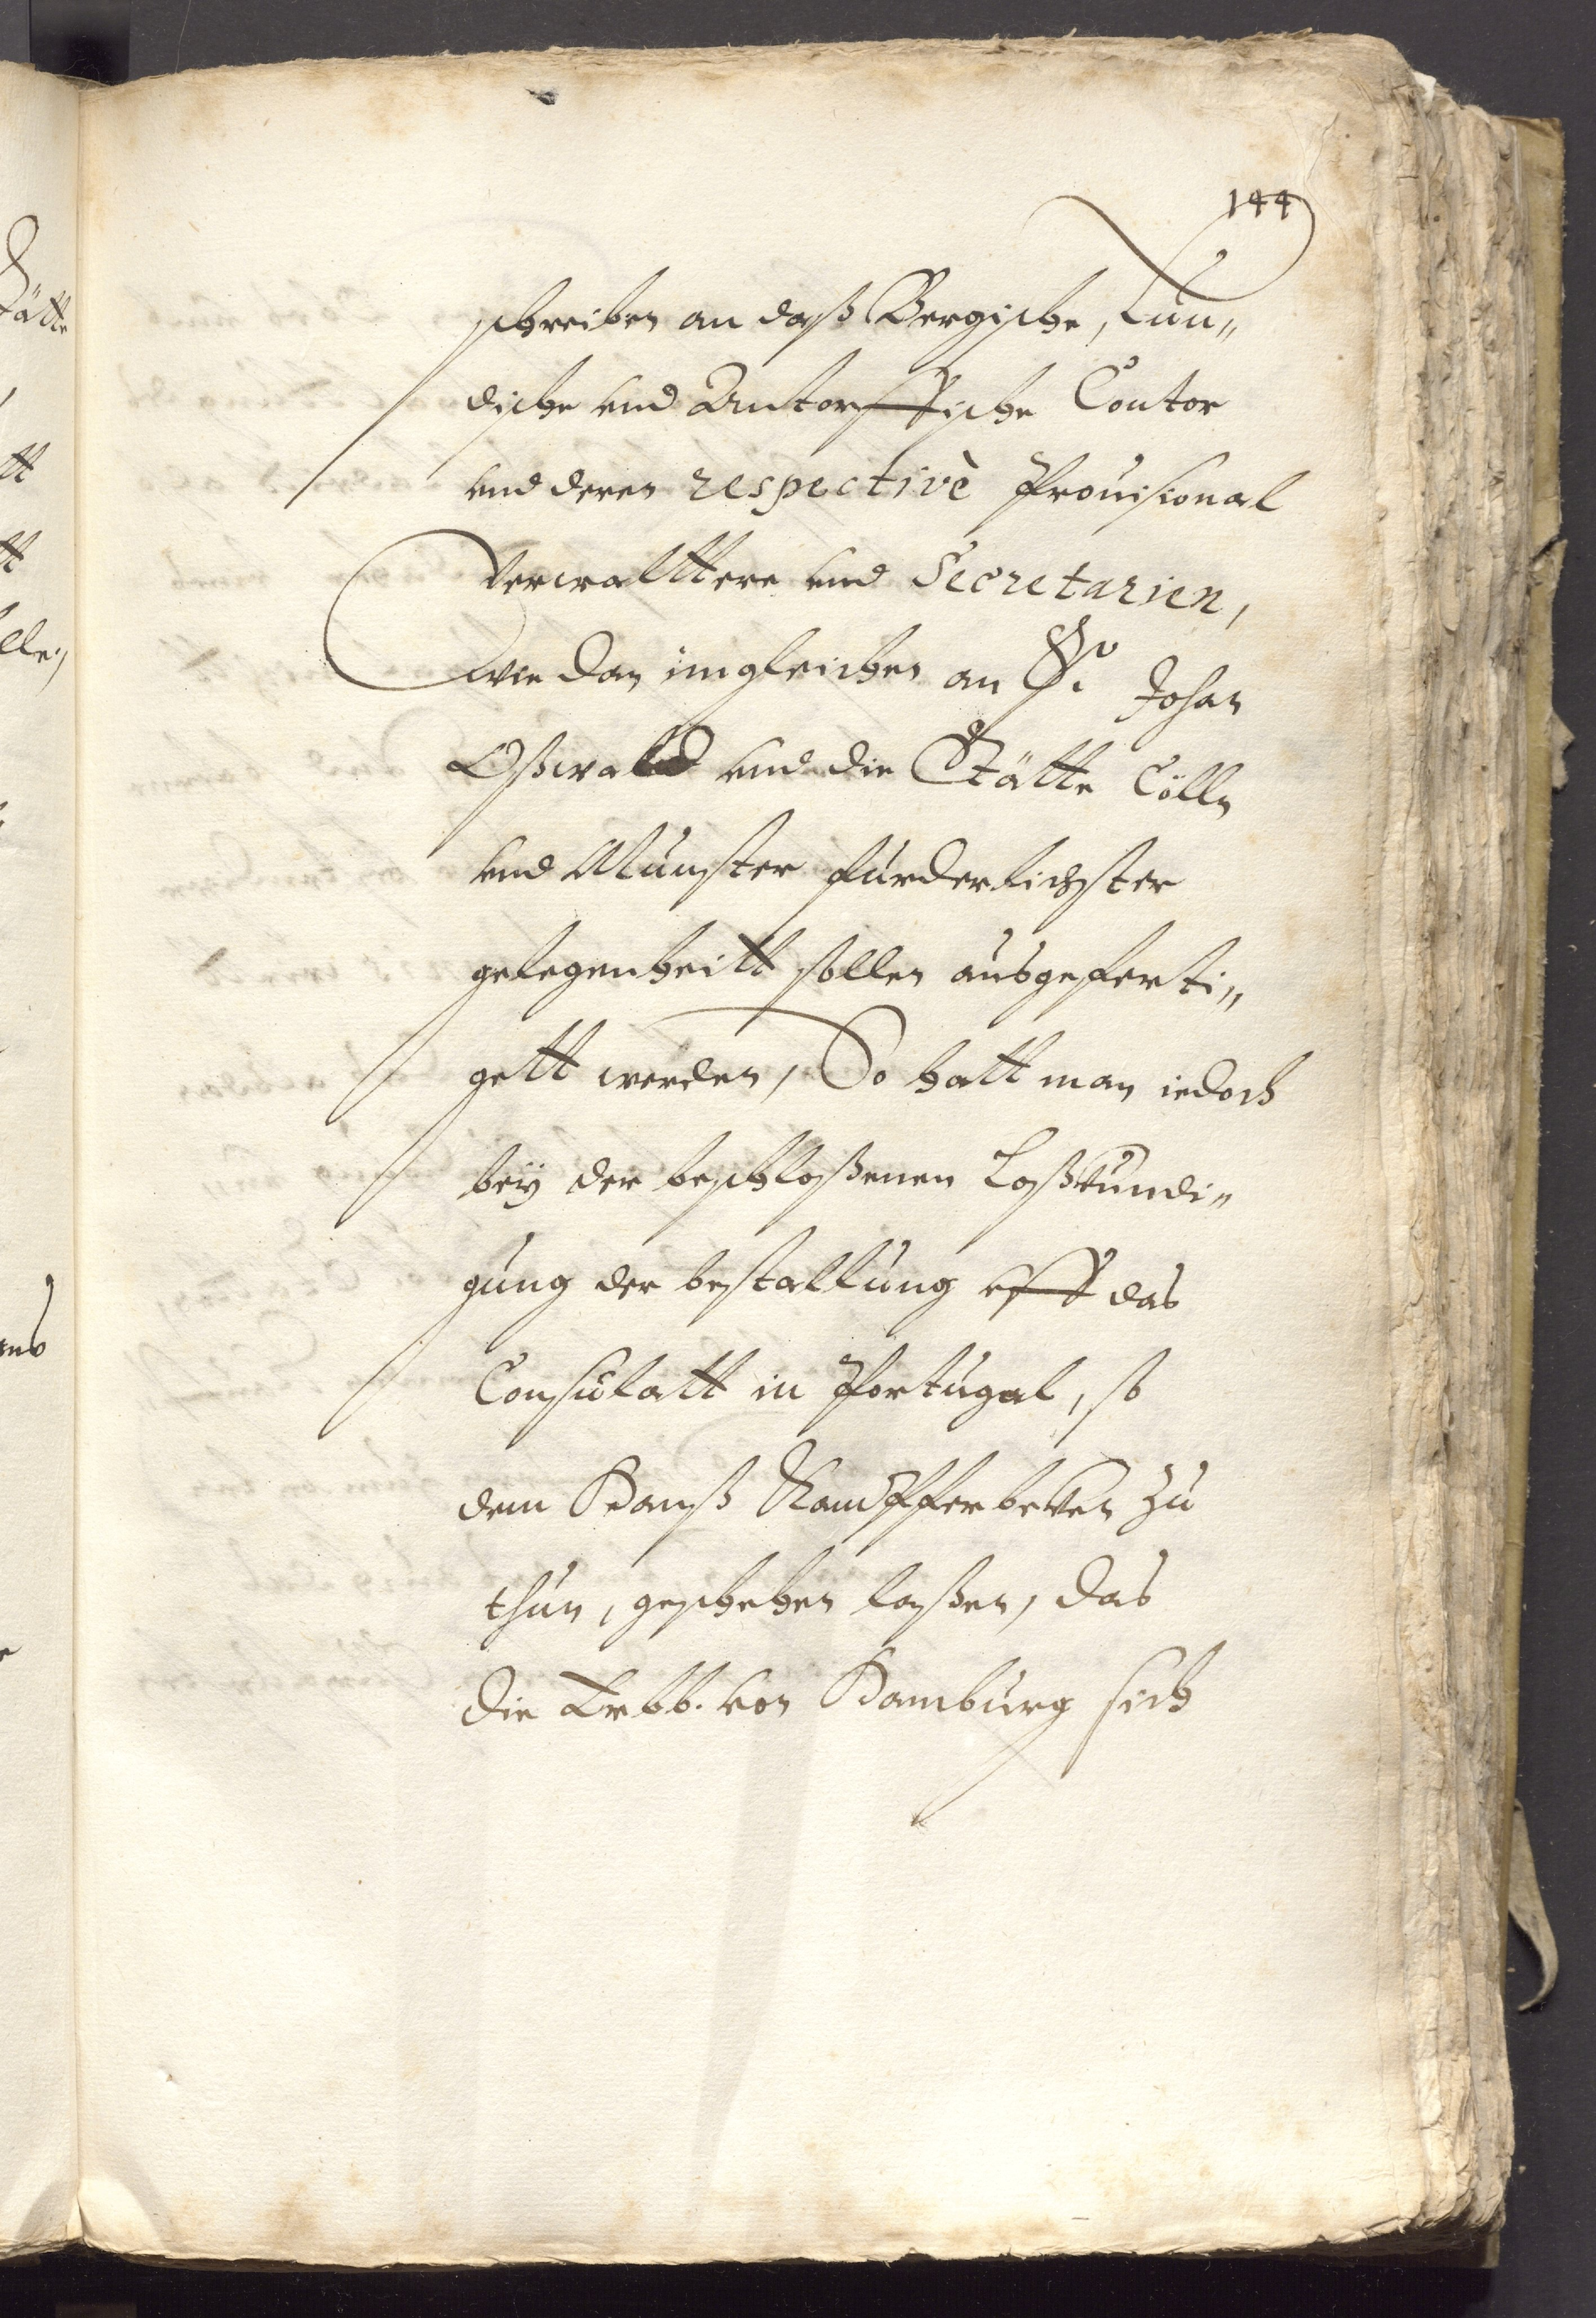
144
schreiben an daß Bergische, Lun¬
dische vnd Antorffische Contor
vnd deren respective Prouisional
verwalttern vnd Secretarien,
wie dan im gleichen an Sr. Johan
Oßwald vnd die Stätte Cölln
vnd Munster furderlichster
gelegenheitt sollen ausgeferti¬
gett werden, So hatt man iedoch
beij der beschloßenen Loßkundi¬
gung der bestallung vff das
Consulatt in Portugal, so
dem Hanß Kampferbeken zu
thun, geschehen laßen, das
die Erbb. von Hamburg sich
